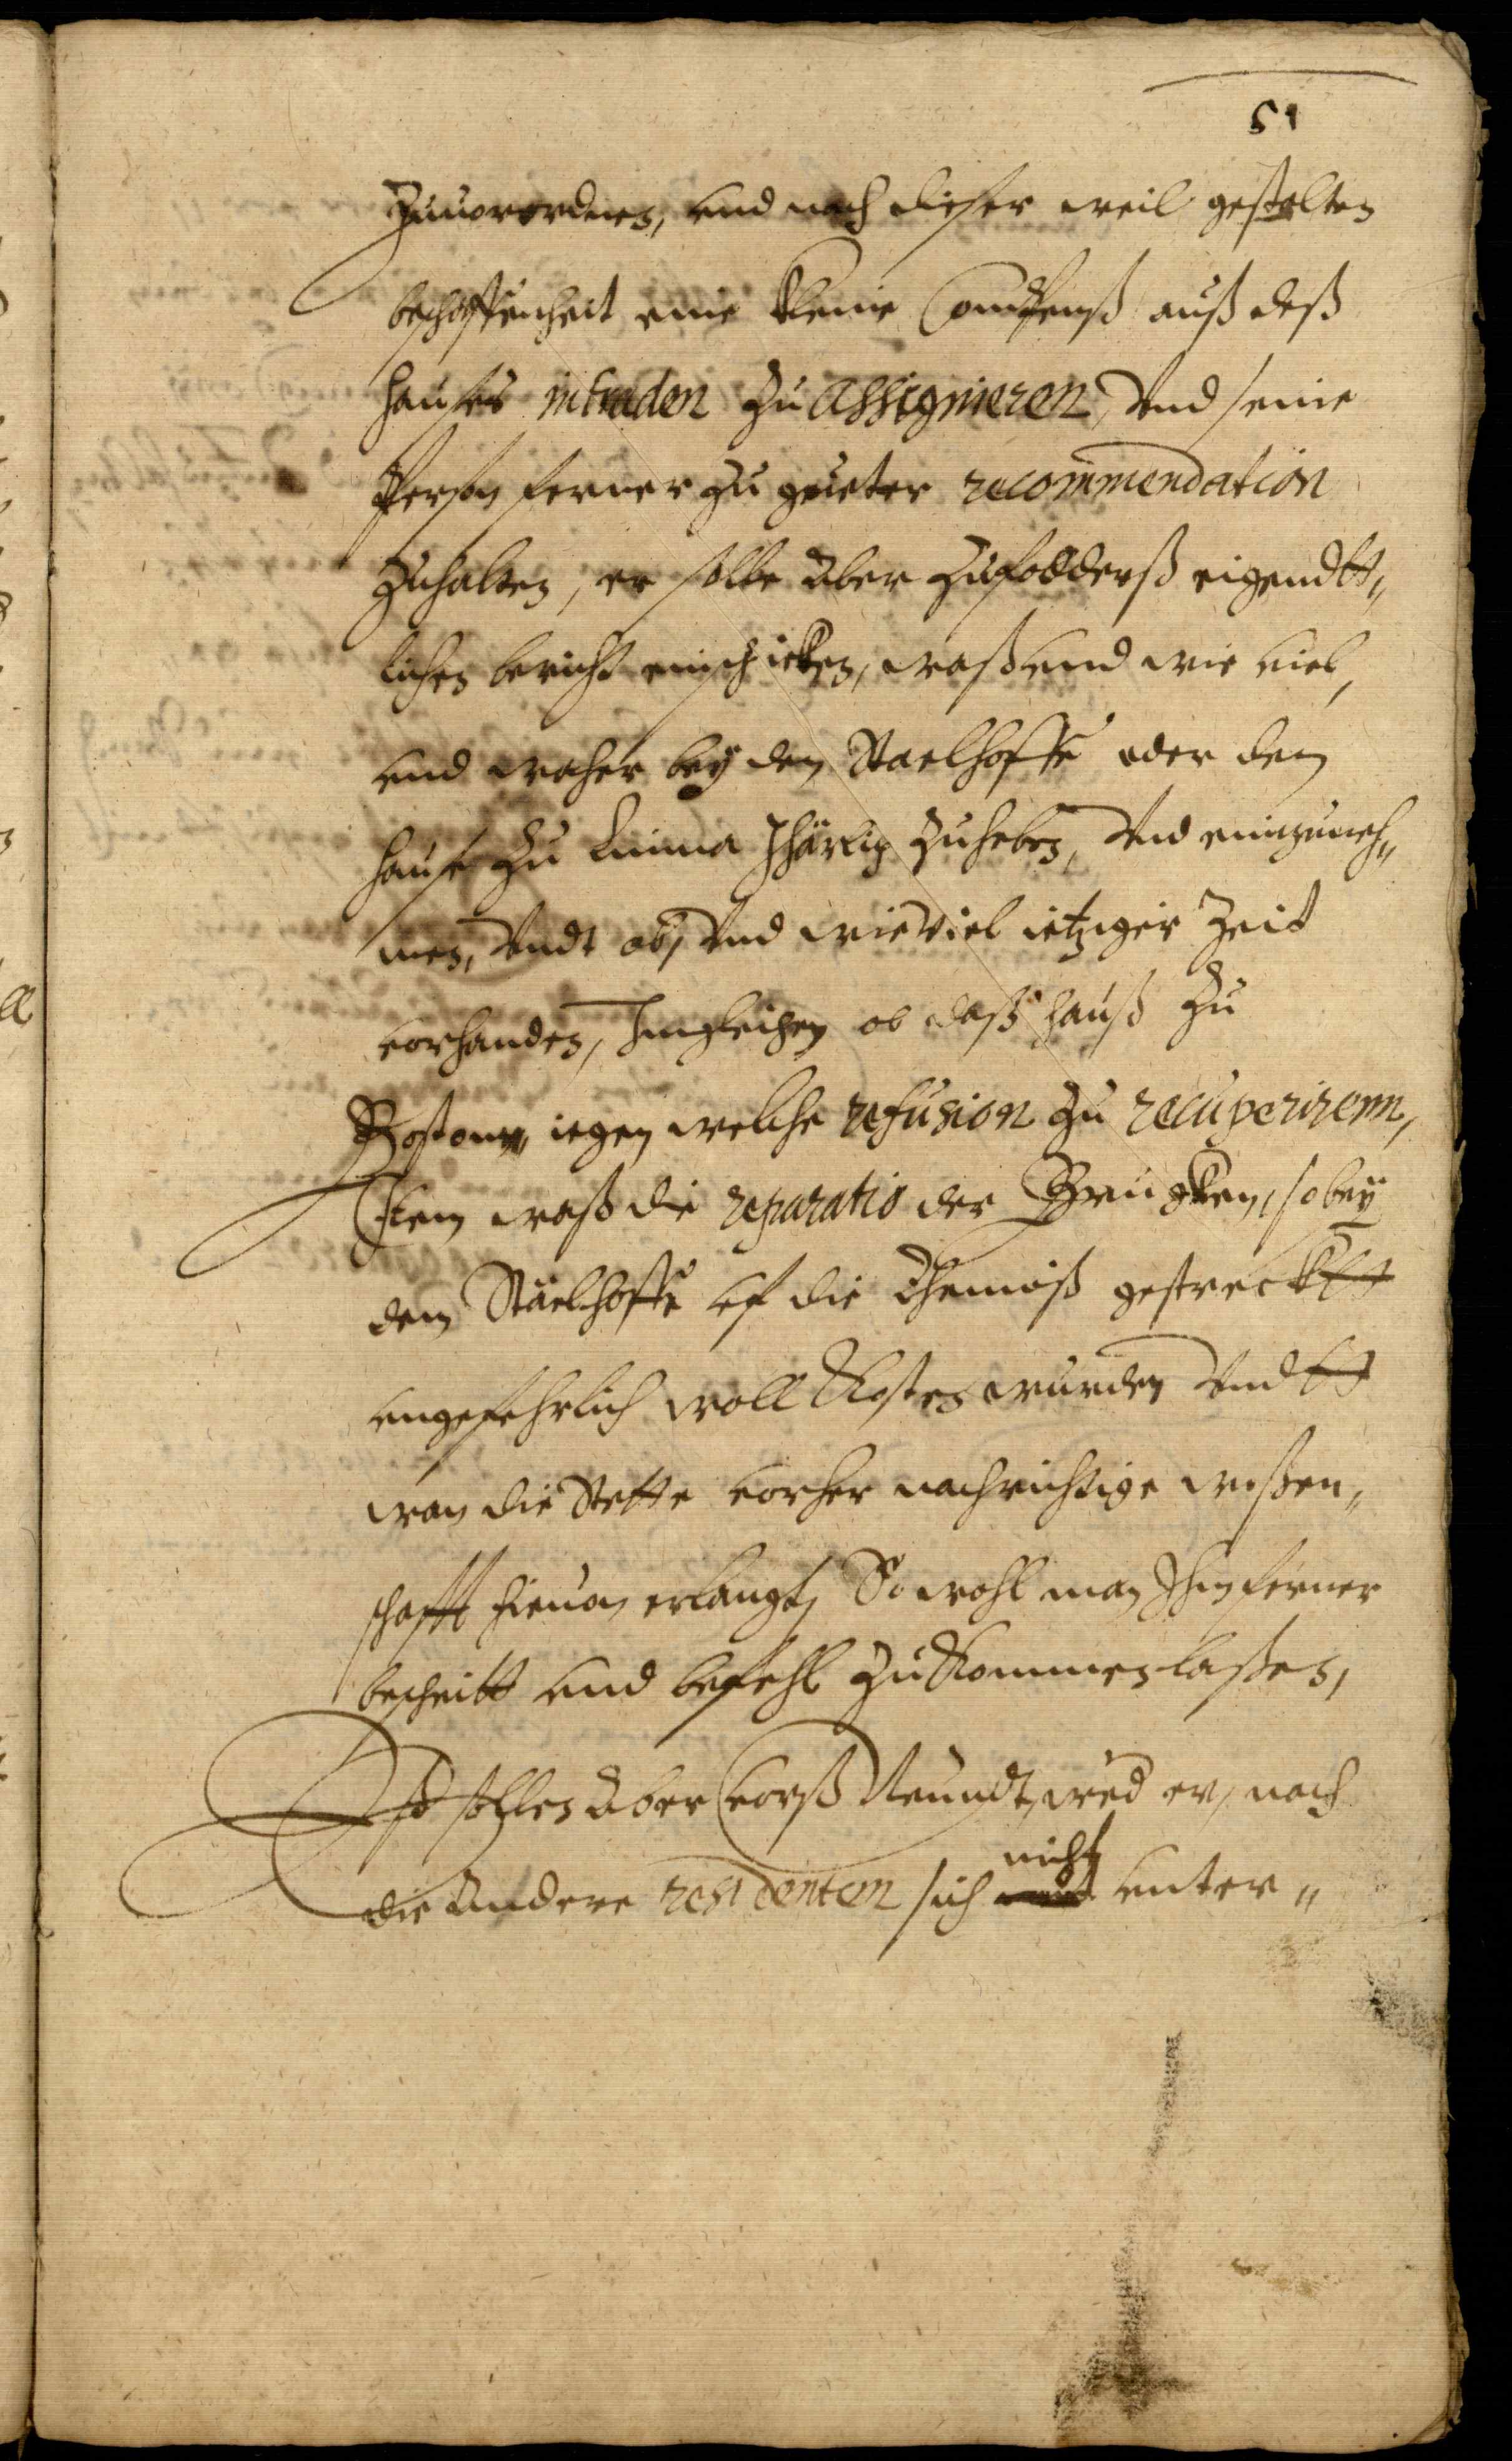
51
Zuuorordnen, vnd nach dieser weil gestalten
beschaffenheit eine kleine Compenß auß deß
hauses intraden zu assignieren, vnd seine
Person ferner zu gueter recommendation
zuhalten, er solle aber zufodderß eigendtt¬
lichen bericht einschicken, waß vnd wie viel,
vnd woher beij den Staelhoffe oder den
hause zu Lundia Jhärlig zuheben, Vnd einzuneh¬
men, Vndt ob, vnd wie viel ietziger zeit
vorhanden, Ingleichen ob daß hauß zu
Bostonn iegen welche refusion zu recuperirenn,
Item waß die reparatio der Brügken, so beij
dem Stäelhoffe vf die Themeß gestrecktt
vngefehrlich woll Kosten wurden Vndtt
wan die Stette vorher nachrichtige wißen¬
schafft hieuon erlangt, So wohl man Ihm ferner
bescheitt vnd befehl zukommen laßen,
Eß sollen aber vorß Neundt, weder er, noch
die Andere residenten sich eine nicht vnter¬
